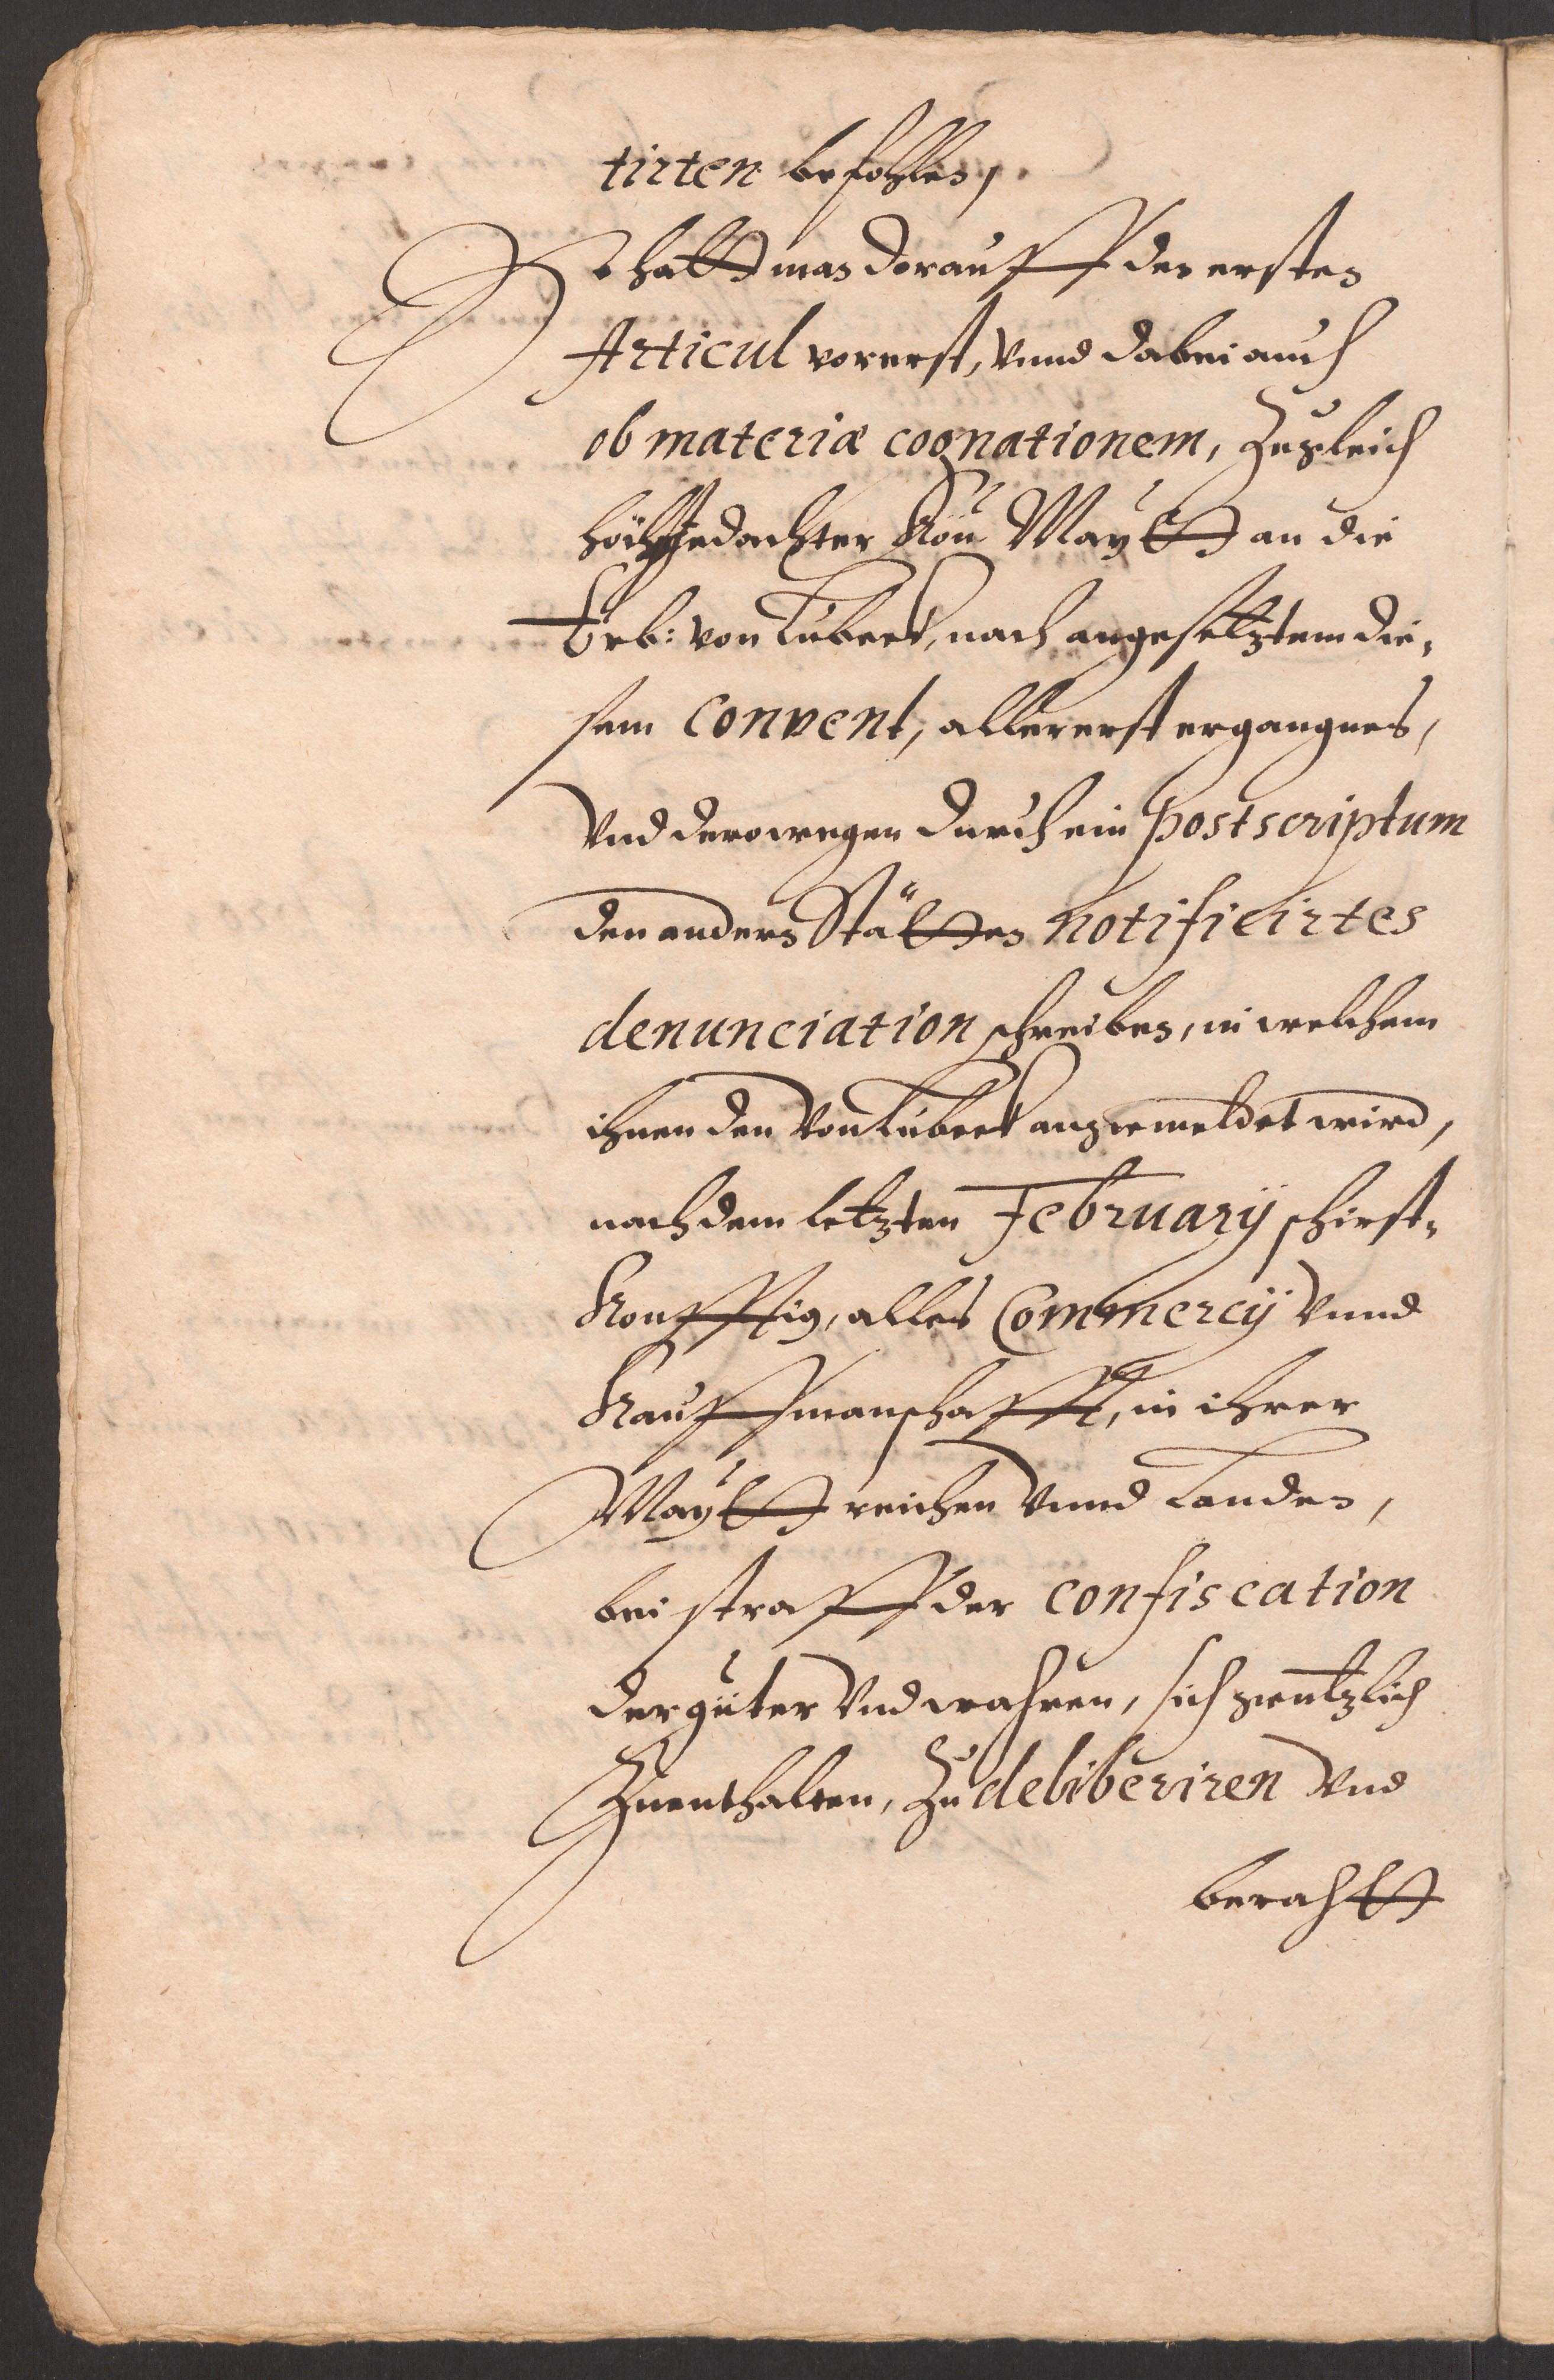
tirten befohlen,
So hatt man dorauff der ersten
Articul vornerst, vnd dabei auch
ob materia coonationem, zugleich
höchstgedachter Kön Maytt an die
Erb: von Lubeck, nach angesetztem die¬
sem convent, allererst ergangens,
vnd derowegen durch ein postscriptum
den andern Stätten notificirtes
denunciation schreiben, in welchem
ihnen von Lubeck angemeldet wird,
nachdem letzten Februarij schirst¬
konfftig, alles Commercij vnnd
kauftmanschaftt, in ihrer
Maytt reichen vnnd Landen,
bei straff der confiscation
der güter vnd wasern, sich gentzlich
zurenthalten, zu deliberiren vnd
berahtt
